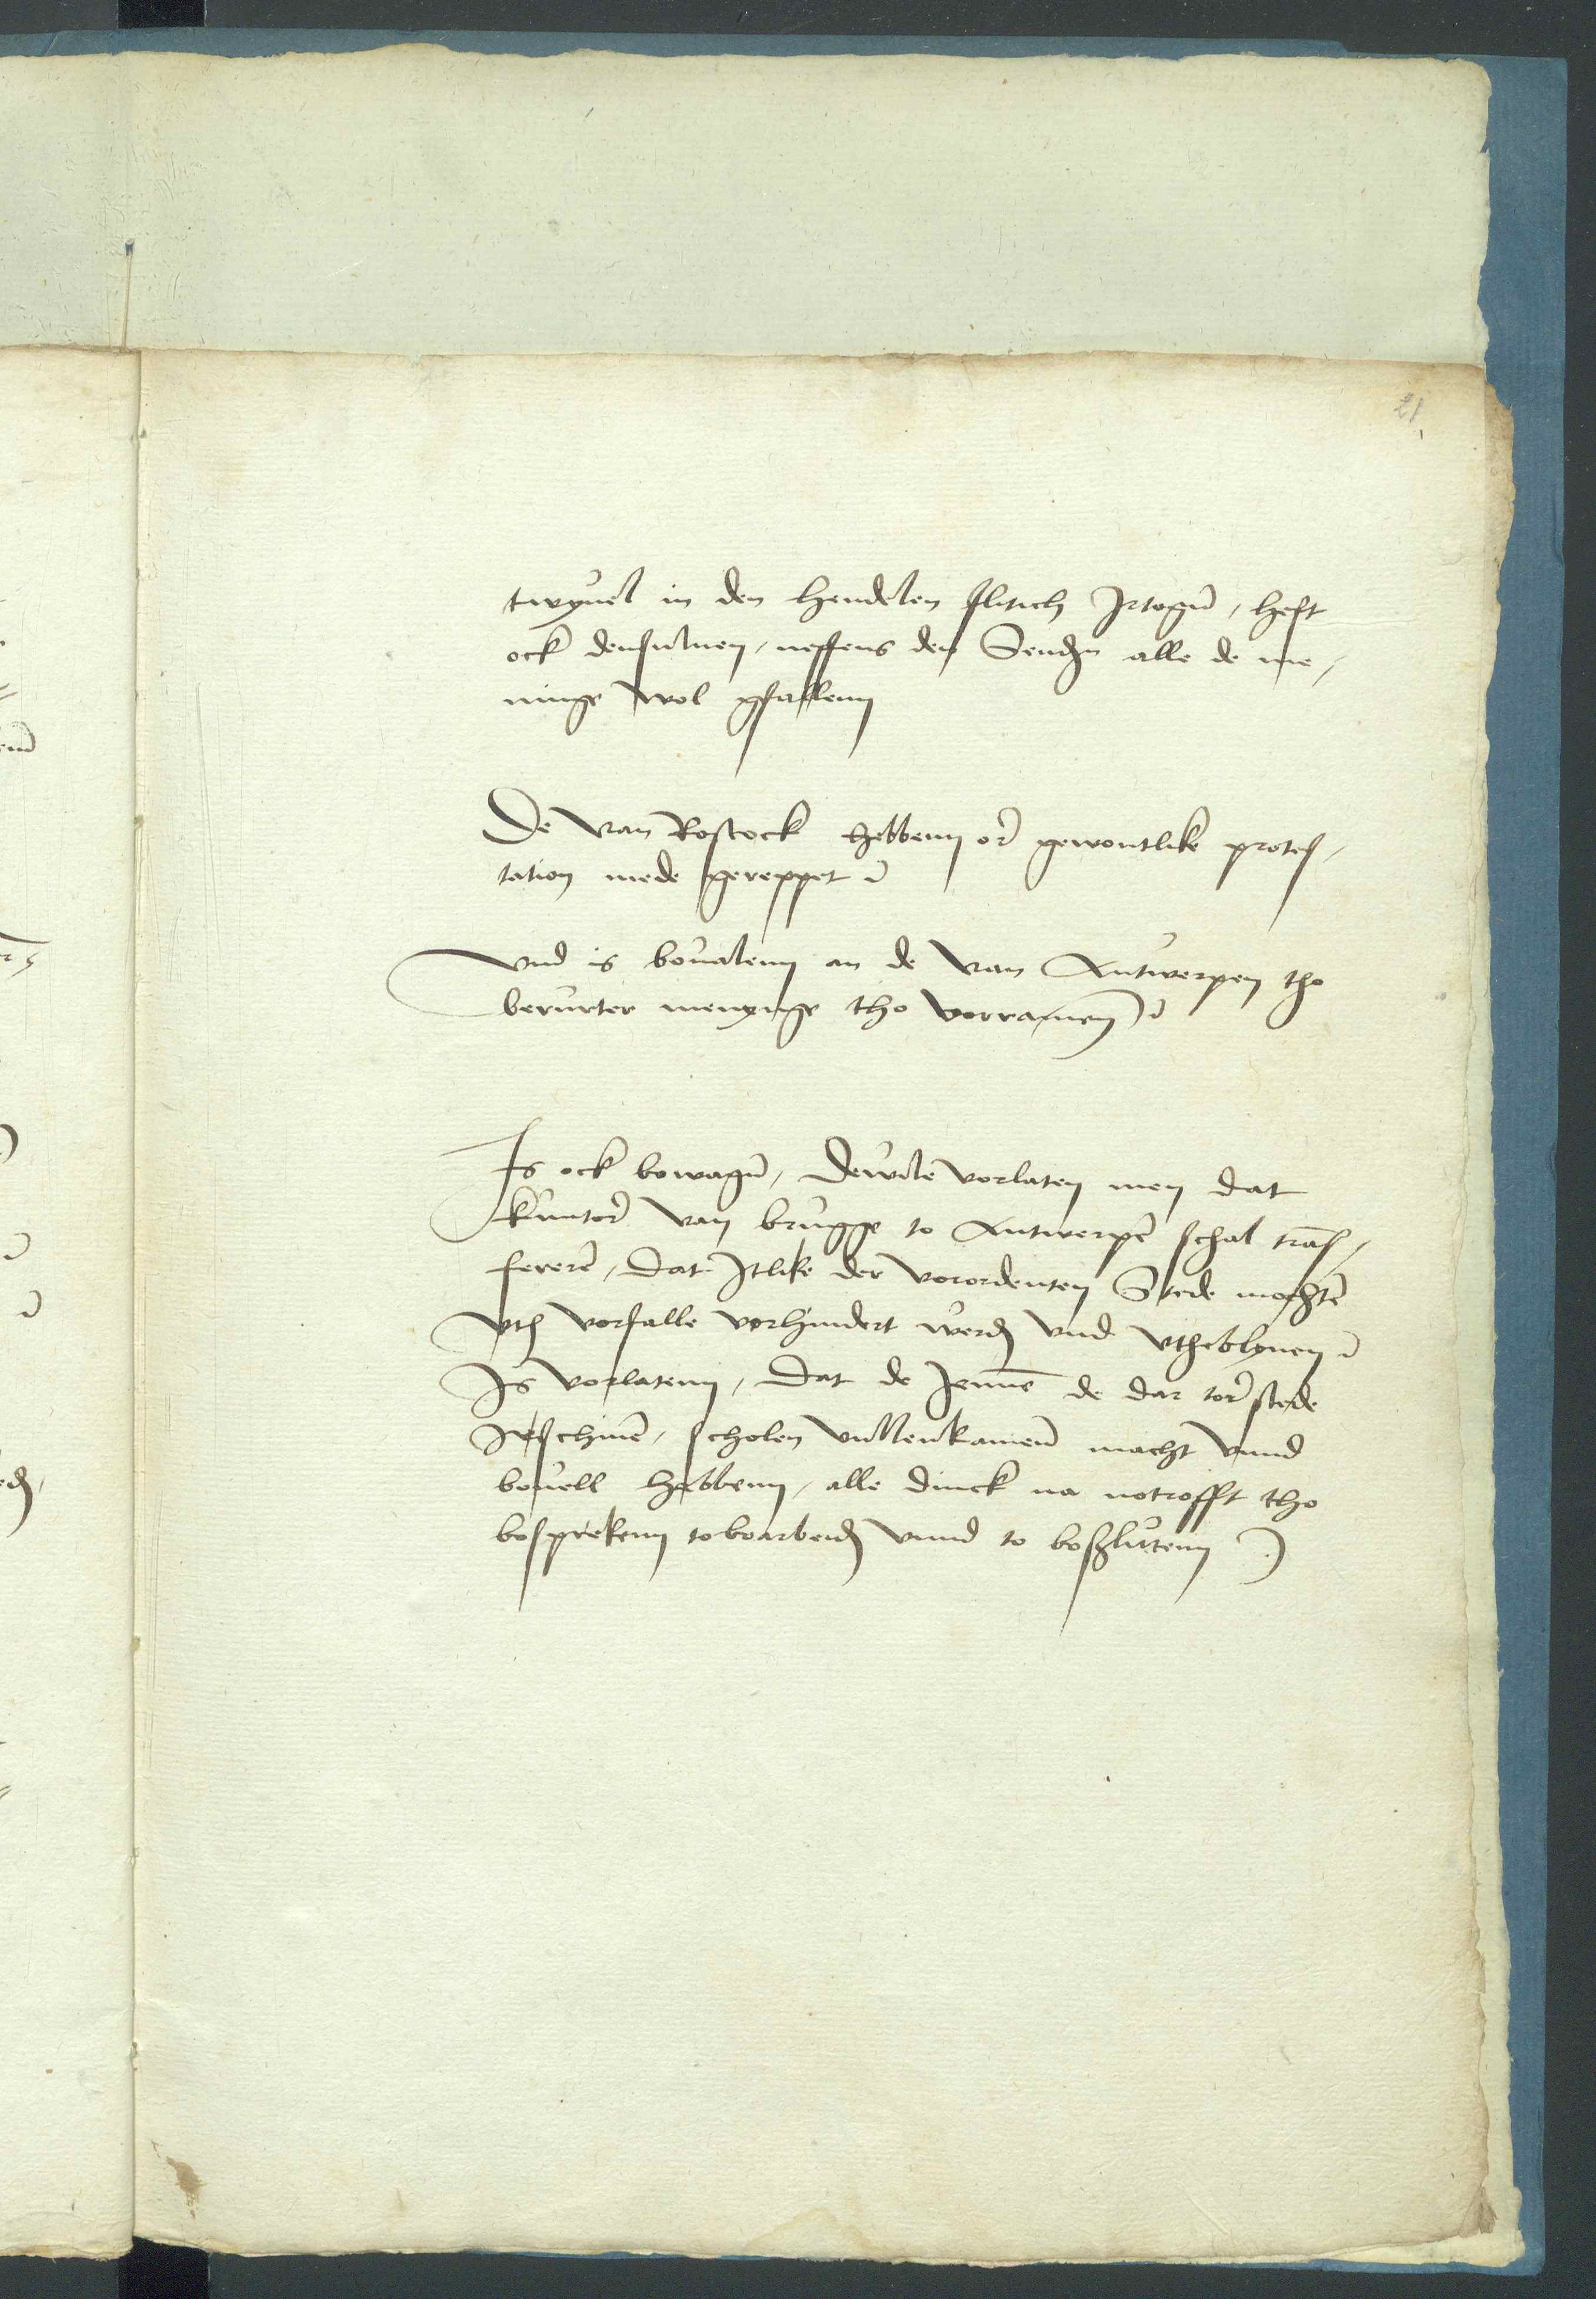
twyuel in den hendlen flitich Jrtogen, heft
ock densuluen, neffens den Sendebaden alle de me¬
ninge wol gfallenn
De van Rostock hebbenn ore gewontlike protes¬
tation mede gereppet etcetera
Vnd is boualenn an de van Antwerpen tho
berurter menynge tho vorramen etcetera
Js ock bowagen, dewile vorlaten men dat
kuntor van brugge to Antwerpen schal trans¬
fereren, dat Jtlike der vorordenten Stede mochten
vth vorfalle vorhindert werden vnd vtheblyuen etcetera
Js vorlatenn, dat de Jennen de dar tor stede
Jrschinen, scholen vullenkamen macht vnnd
bouell hebbenn, alle dinck na notrofft tho
bosprakenn toboarbeiden vnnd to boßlutenn .)
